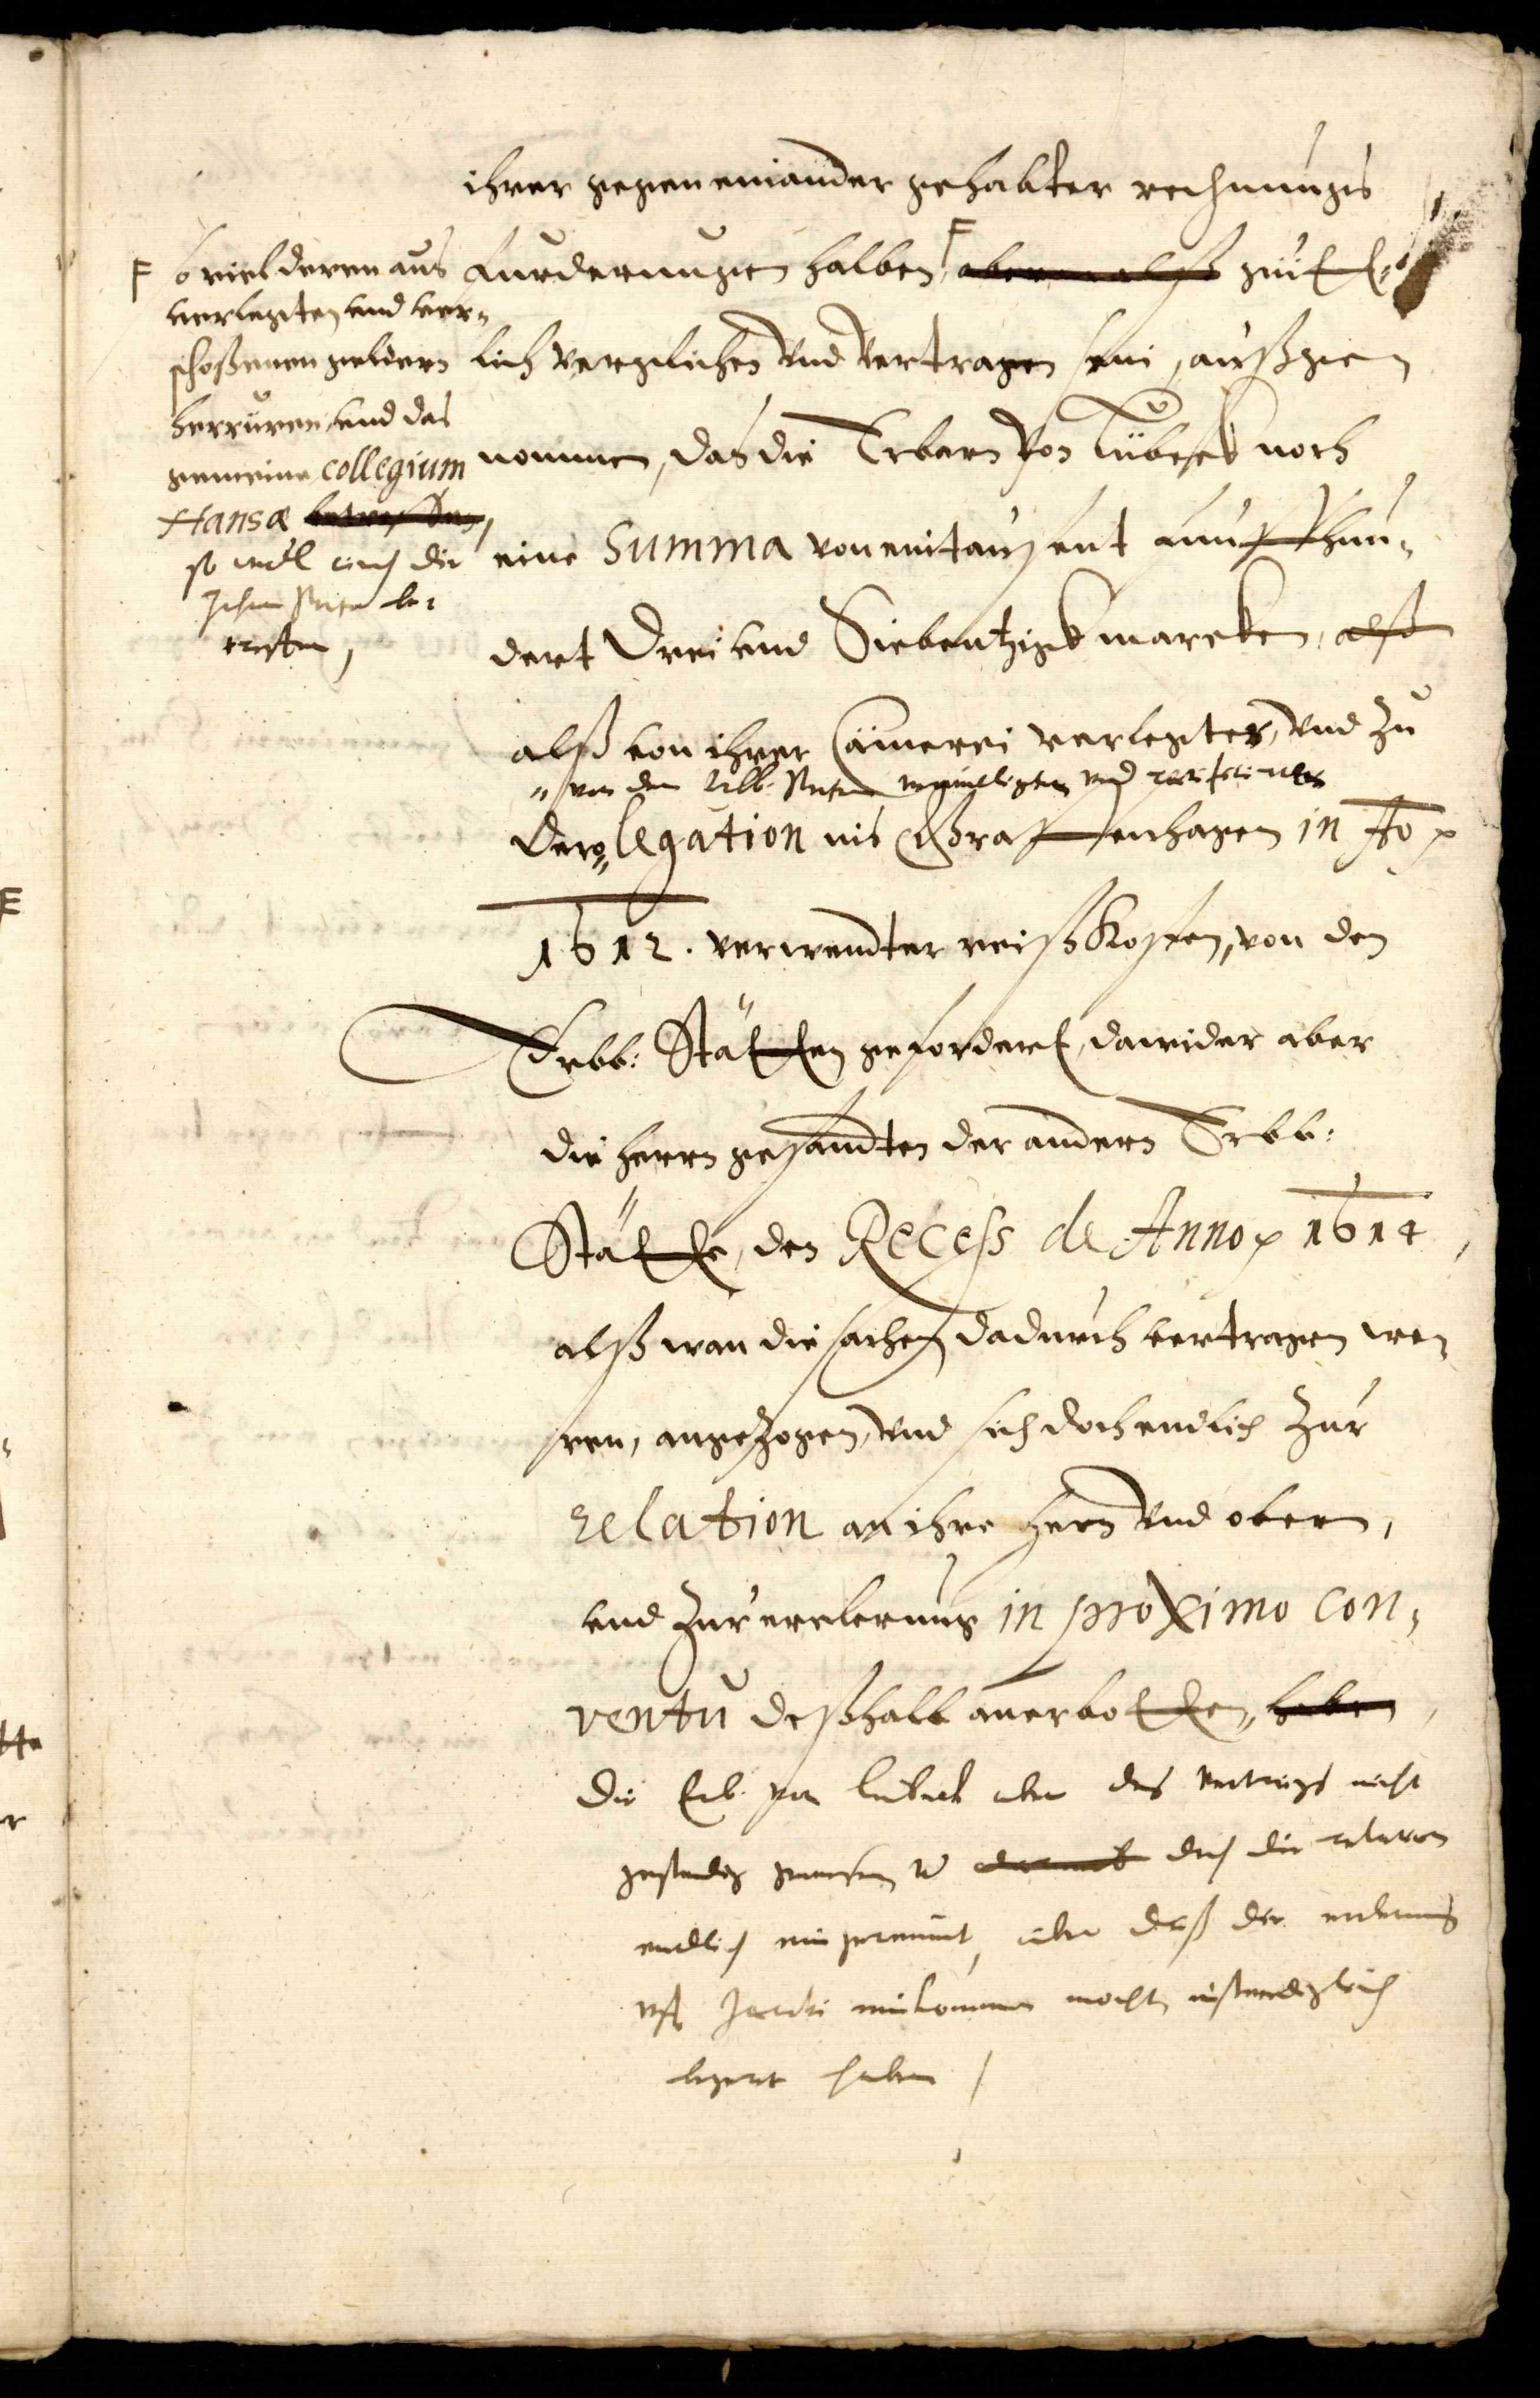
* so viel deren aus
verlegten vnd ver¬
schoßenen geldern
herrüren vnd das
gemeine collegium
Hansæ betreffen
so woll auch die
Zehen stette be¬
treffen,
ihrer gegeneinander gehabter rechnungs
furderungen halben * abermalß gütt¬
lich verglichen Vnd Vertragen sein, außge¬
nommen, das die Erbarn Von Lübeck noch
eine Summa von eintausent funffhun¬
dert drei vnd Siebentzigk marcken, alß
alß von ihrer Cämerei verlegter, vnd Zu
* von den Erbb. Stetten vermeldigter vnd ratificirtter
dero * legation mit Graffenhagen in Aō p
1612. verwendter reißkosten, von den
Erbb: Stätten gefordert, dawider aber
die herrn gesandten der andern Erbb:
Stätte den Recess de Anno p 1614
alß wan die Sachen damals vertragen we¬
ren, angeZogen, vnd sich doch endlich Zur
relation an ihre hern Vnd obern,
vnd Zur erclerung in proximo con¬
ventu deßhalb anerbotten, haben,
die Erb. von lubeck aber des vertrags nicht
gestendig gewesen vnd damit doch die erbarn
endlich eingereumt, uber daß die rechnung
erst Jacobi einkommen mocht, instendiglich
begert haben,
